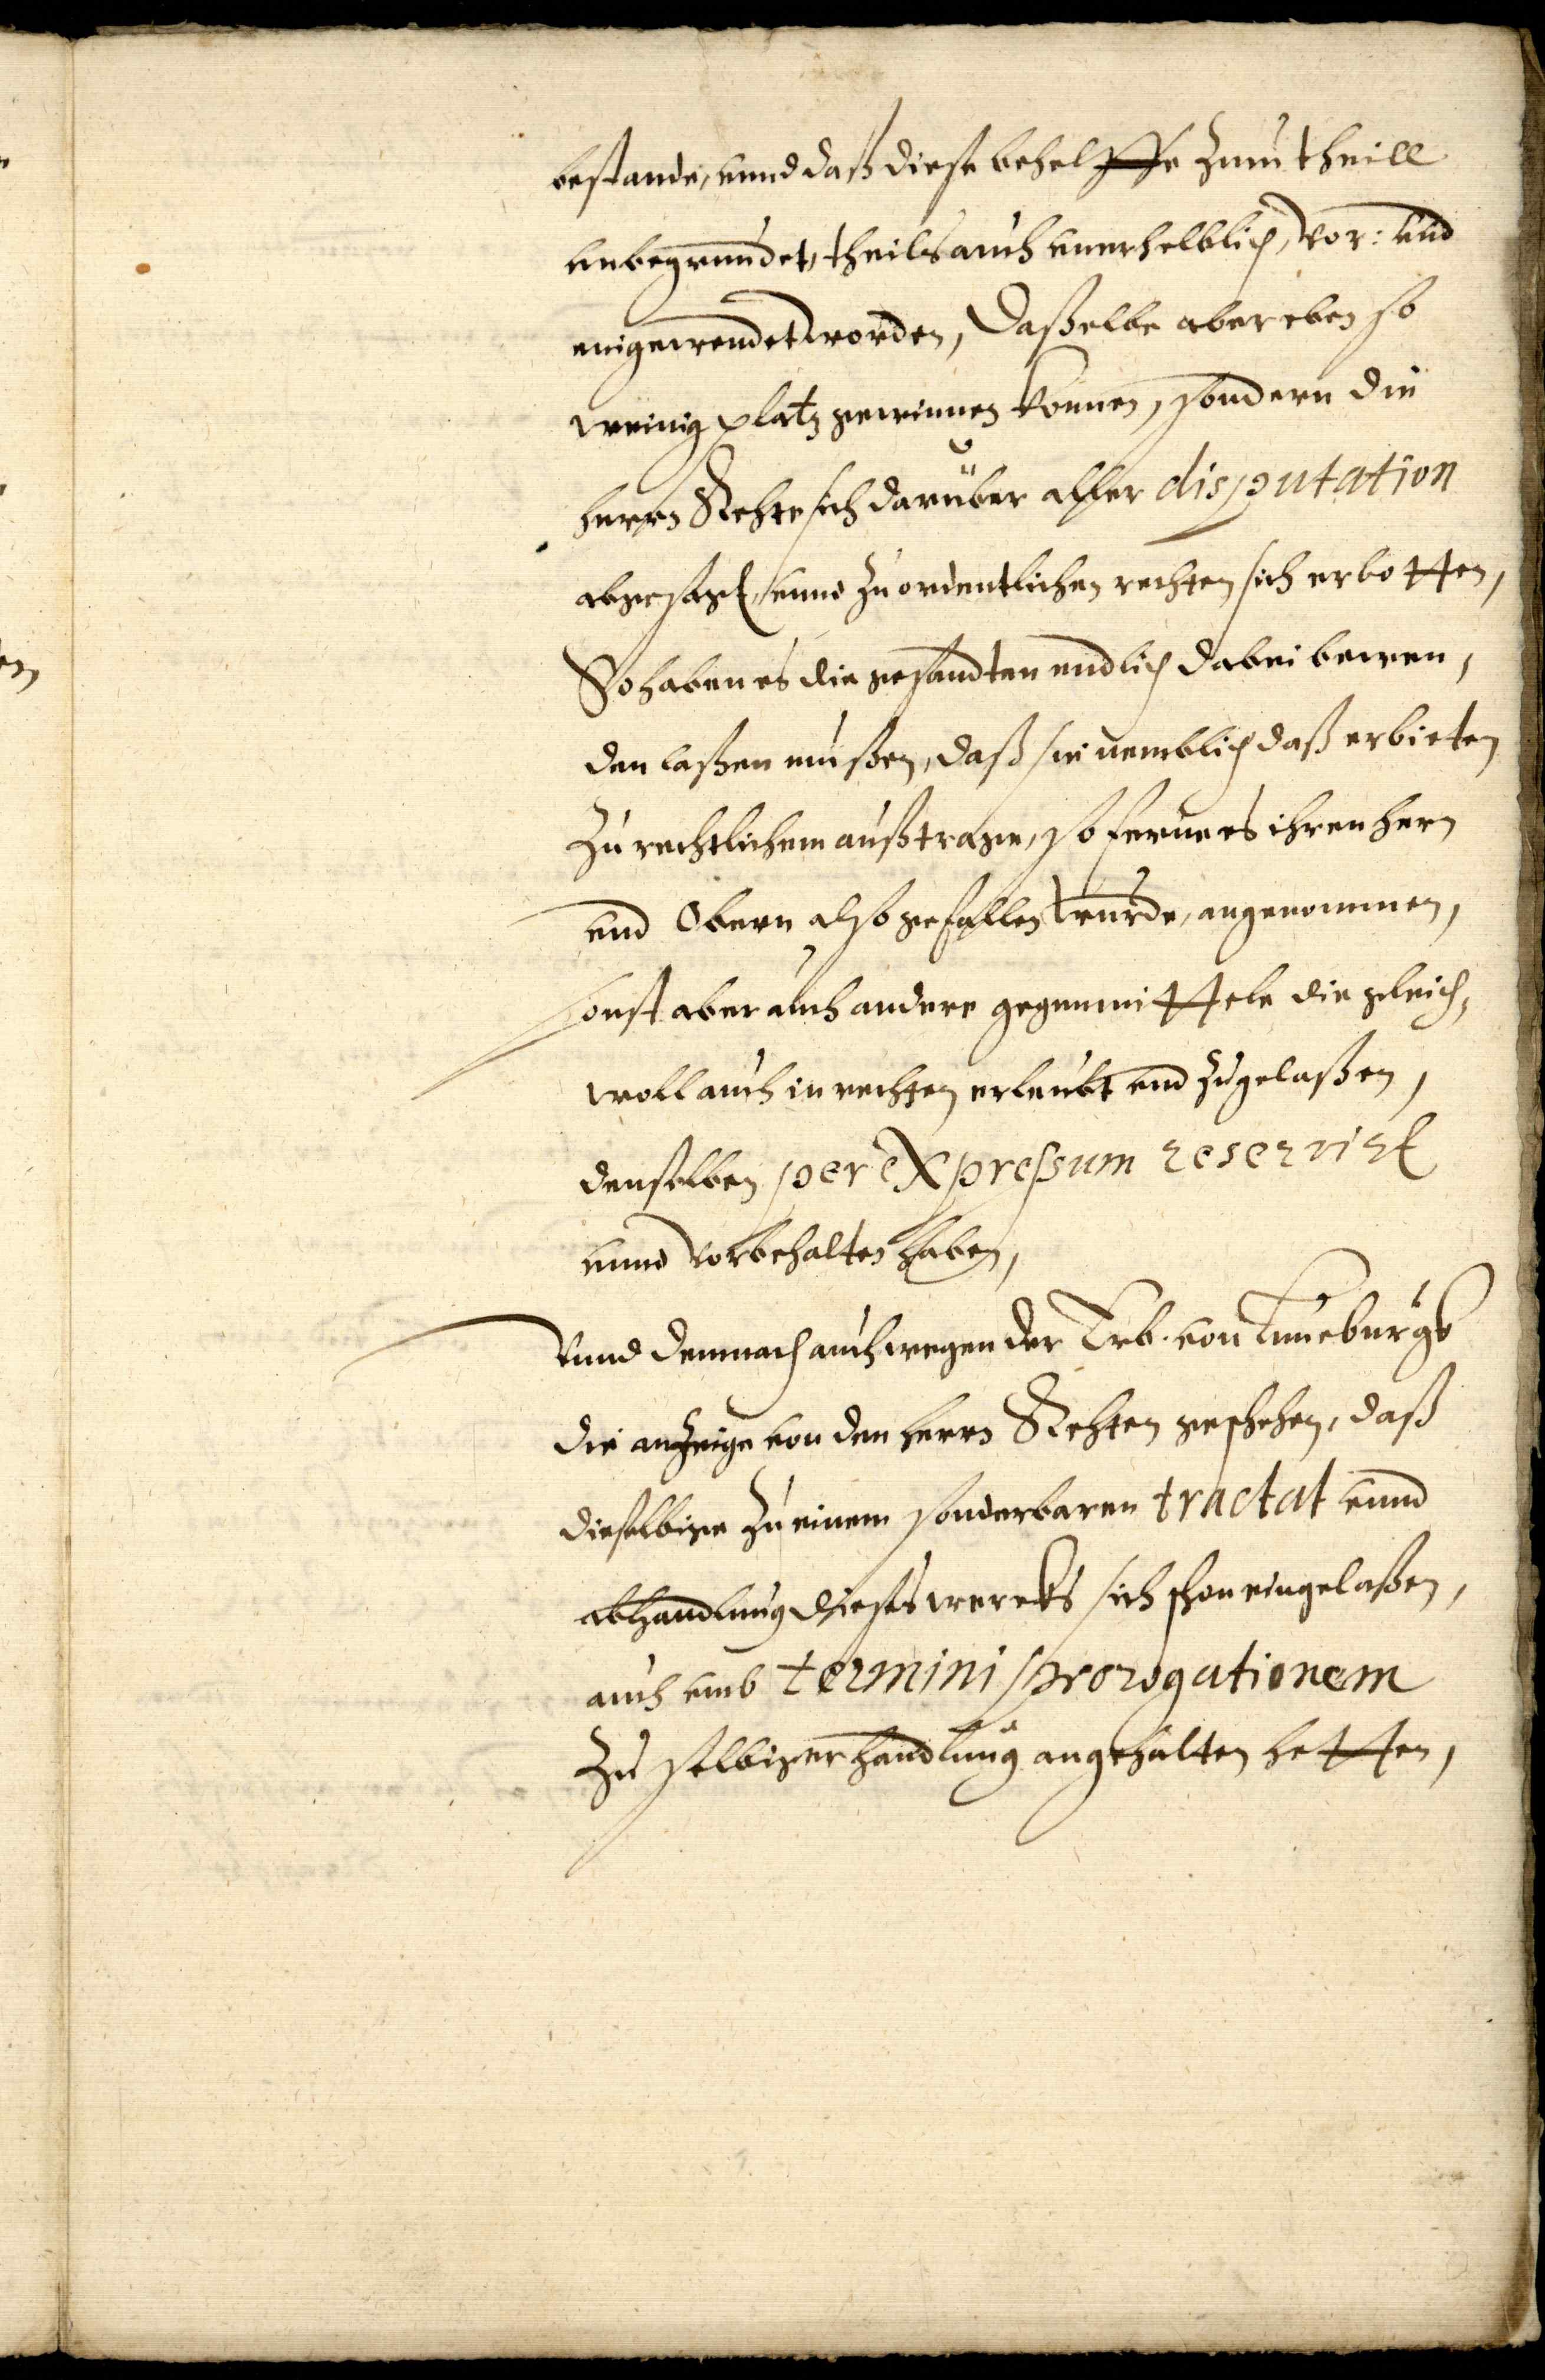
bestande, vnnd daß diese behelffe zum theill
vnbegrundet, theils auch vnerheblich, vor: vnd
eingewendet worden, Daßelbe aber eben so
weinig platz gewinnen konnen, sondern die
herrn Rehte sich darüber aller disputation
abgesagt, vnnd zu ordentlichen rechten sich erbotten,
So haben es die gesandten endlich dabei bewen¬
den laßen müßen, daß sie nemblich daß erbieten
Zu rechtlichem außtragen, so ferne es ihren hern
vnd Obern also gefallen wurde, angenommen,
sonst aber auch andere gegenmittele die gleich¬
woll auch in rechten erlaubt vnd zugelaßen,
denselben per expressum reservirt
vnnd vorbehalten haben,
vnnd demnach auch wegen der Erb. von Luneburgk
die anzeige von den herrn Rehten geschehen, daß
dieselbige zu einem sonderbaren tractat vnnd
abhandlung dieses wercks sich schon eingelaßen,
auch vmb termini prorogationem
Zu selbiger handlung angehalten hetten,
